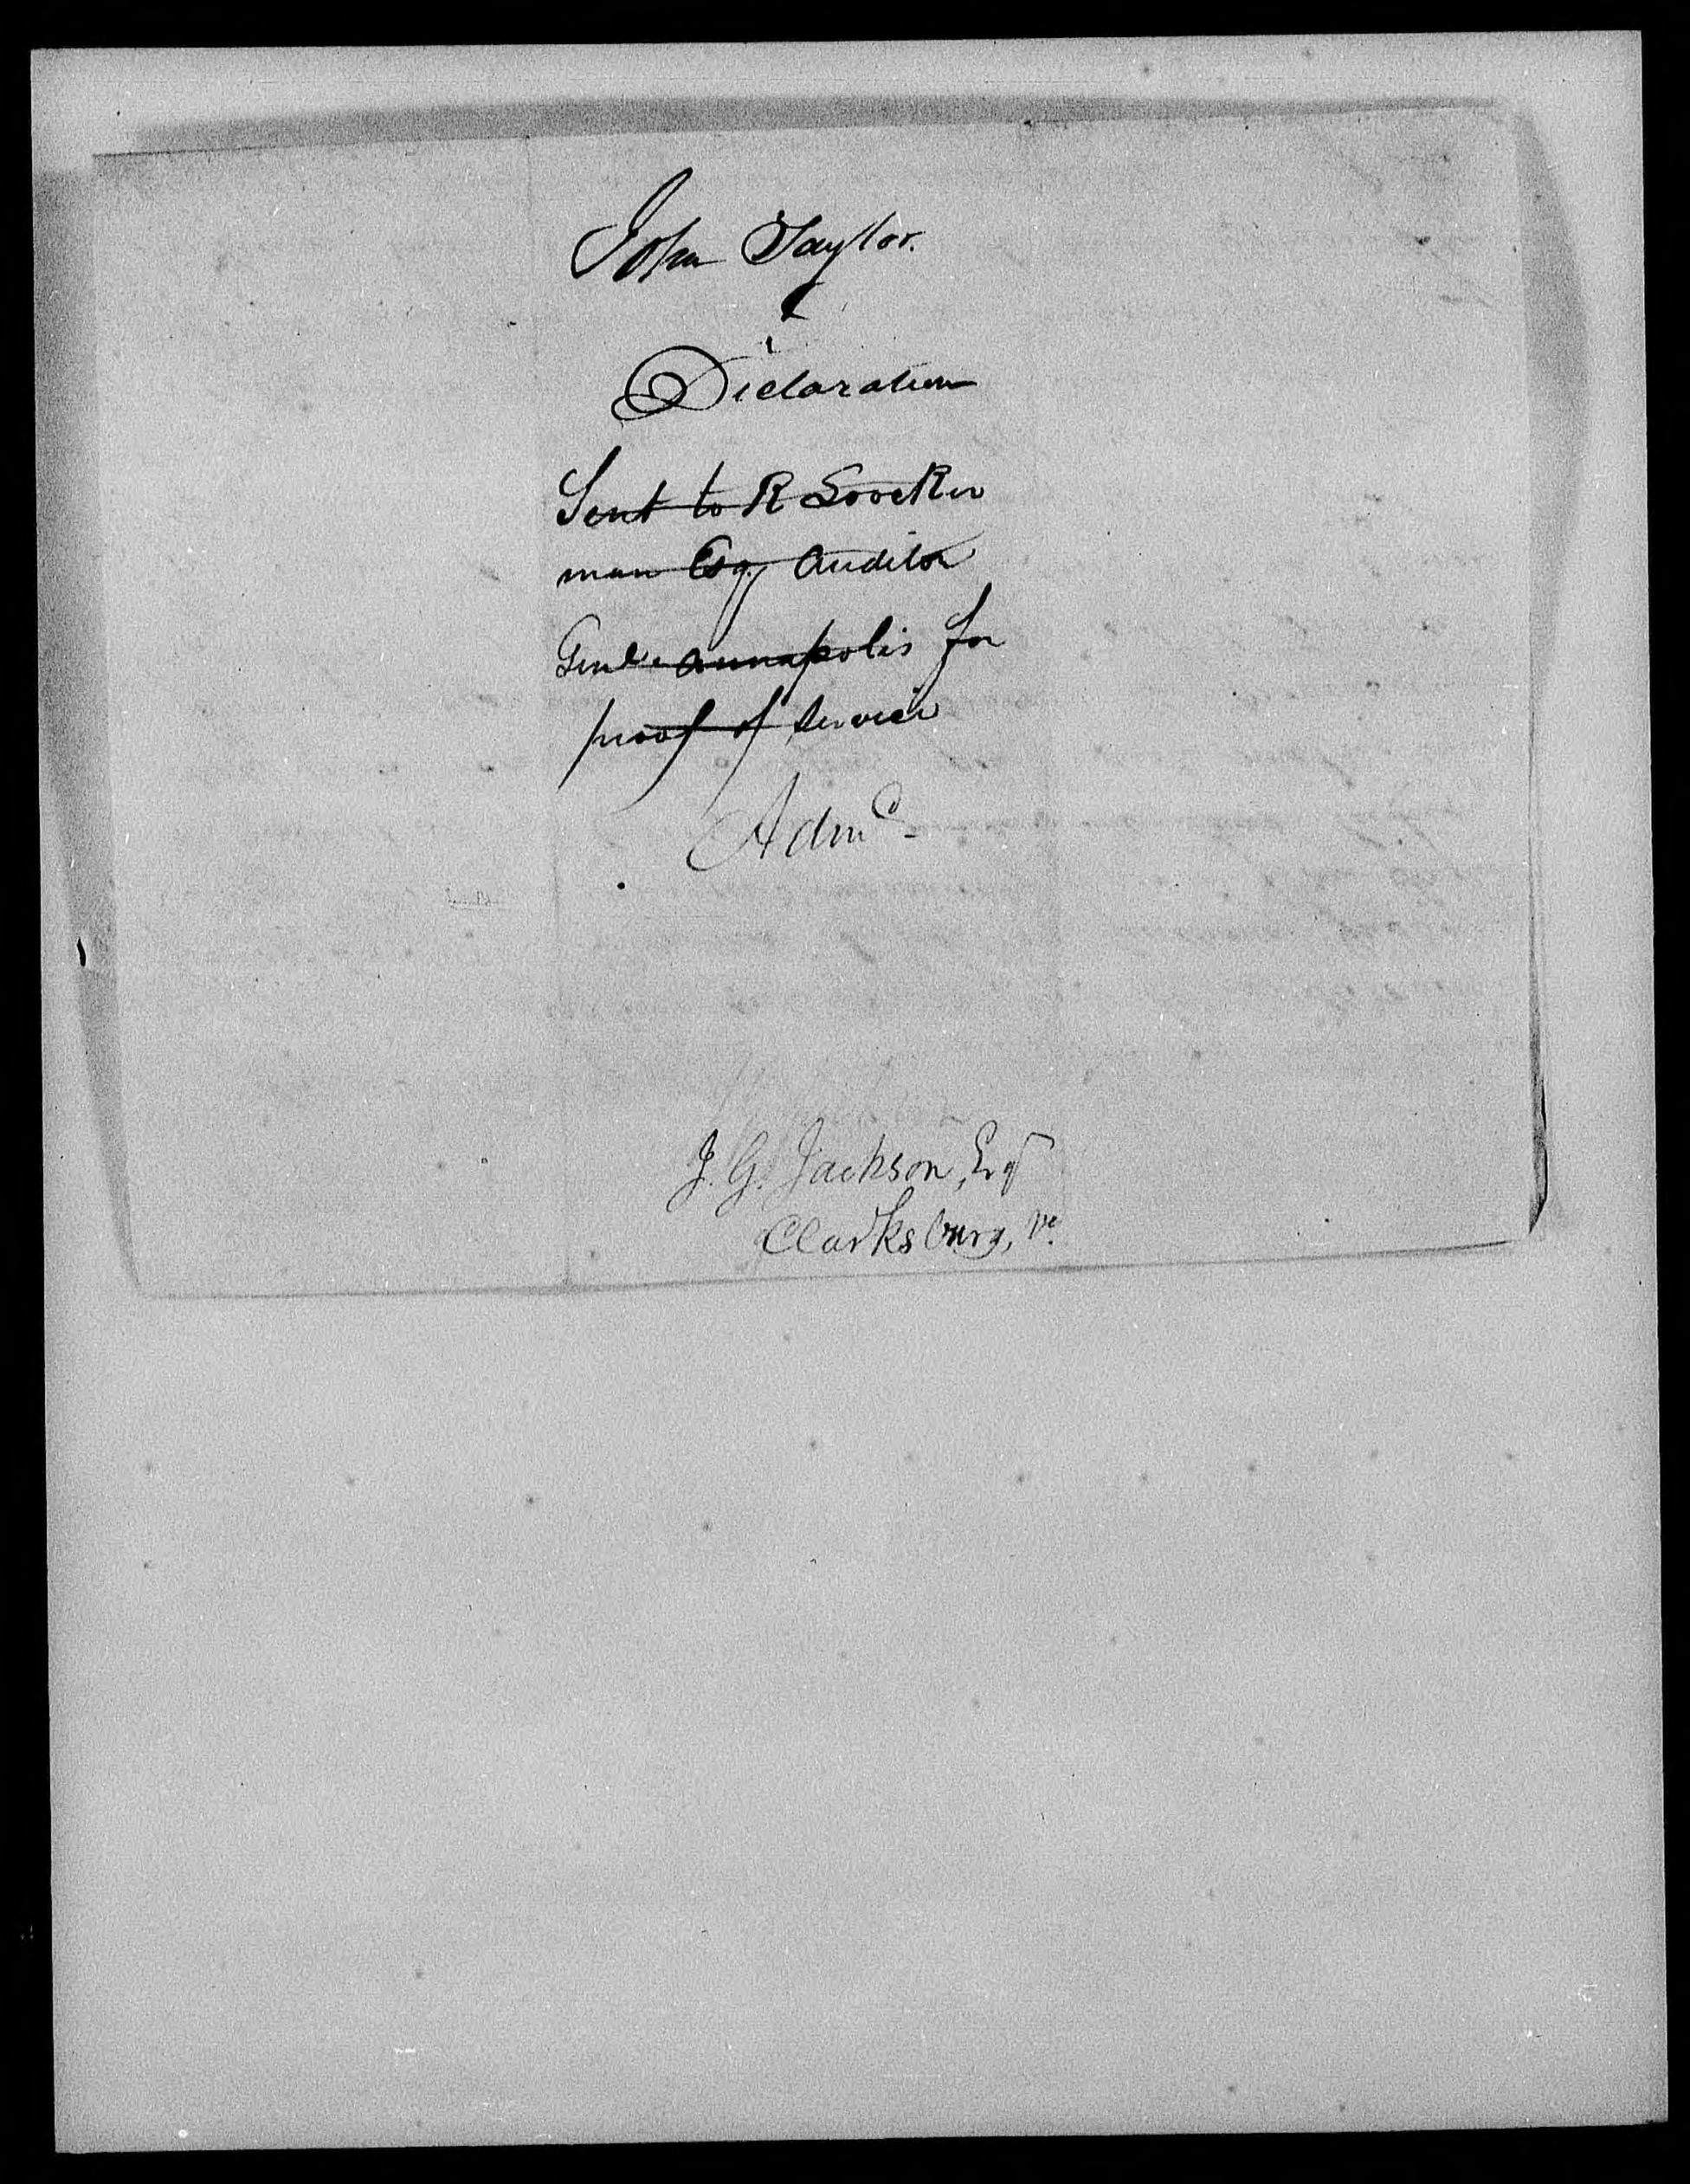John Taylor 
Declaration 

[Following lined through
Sent to R. Soocker
man Esq. Auditor 
Genl. Annapolis for 
proof of service]

Admd


J. G. Jackson, Esqr
Clarksburg, Va.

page: 3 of 18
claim: survivor's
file: S. 37,483, for John Taylor, Maryland